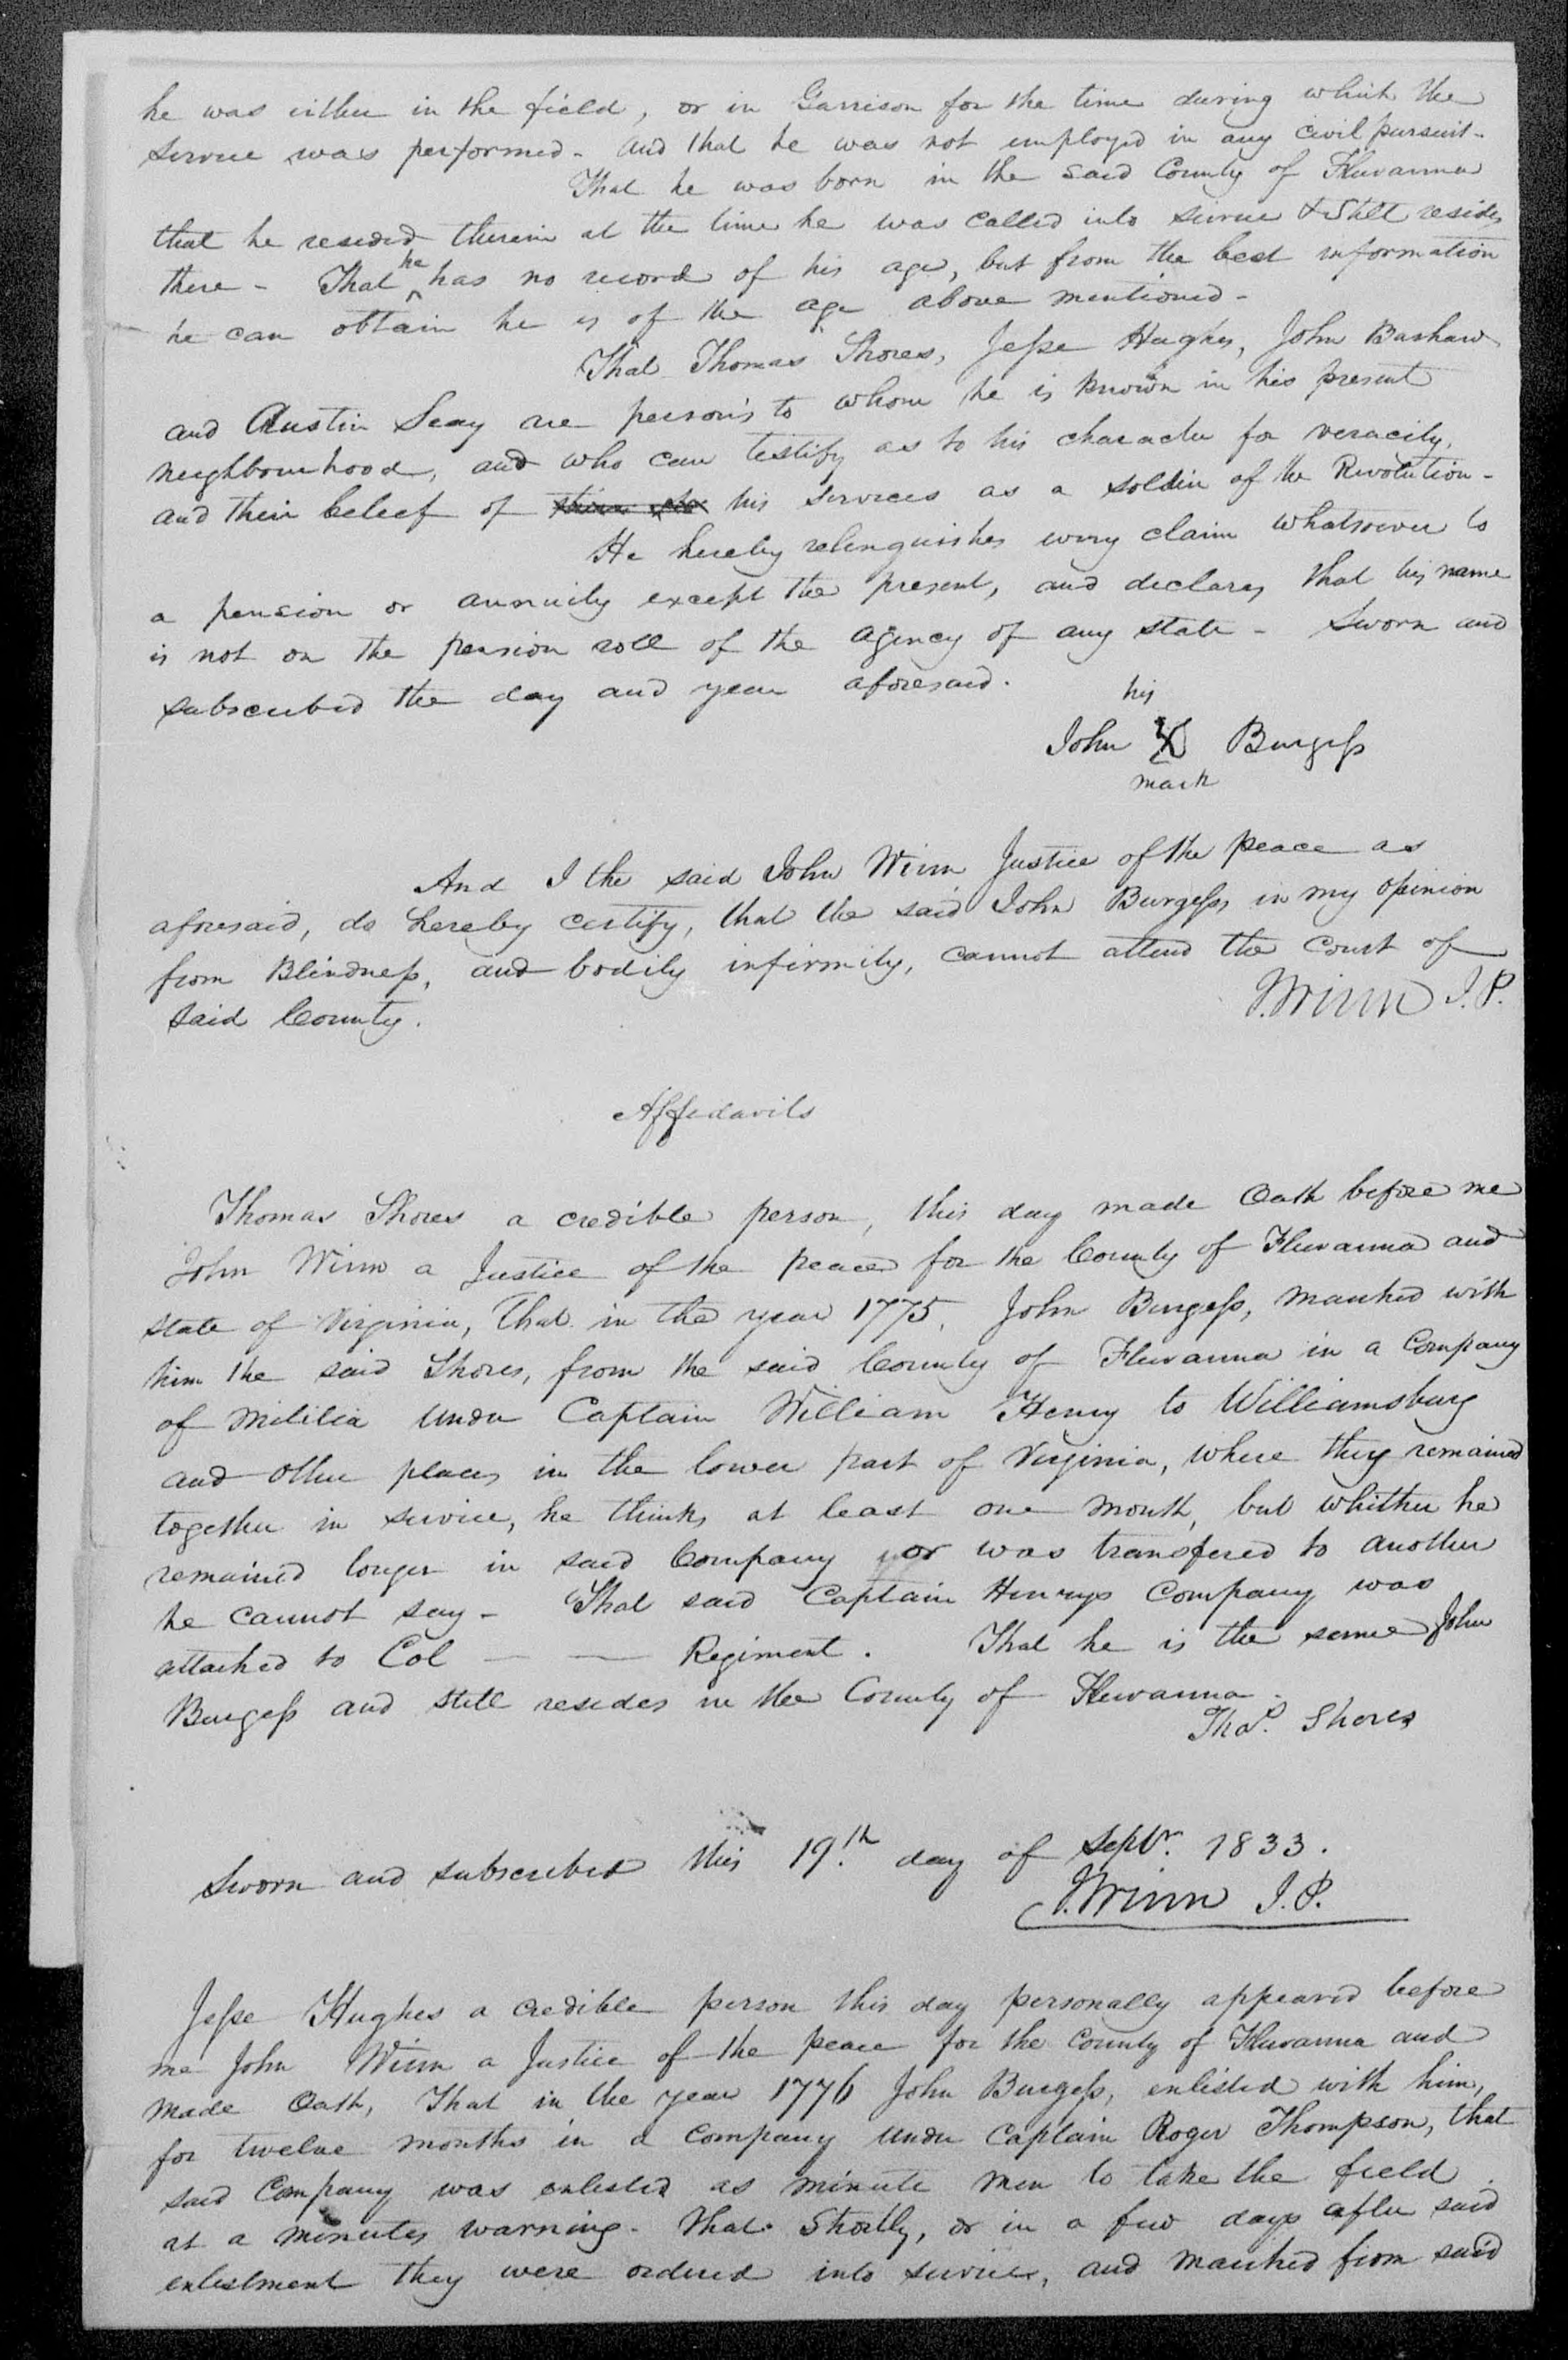he was either in the field, or in Garrison for the time during which the service was performed.  And that he was not employed in any civil pursuit.
That he was born in the said County of Fluvanna that he resided therein at the time he was called into service & still resides there- That he has no record of his age, but from the best information he can obtain he is of the age above mentioned.
That Thomas Shores, Jesse Hughes, John Bashaw and Austin Seay are persons to whom he is known in his present neighbourhood, and who can testify as to his character for veracity, and their belief of his services as a soldier of the Revolution.
He hereby relinquishes every claim whatsoever to a pension or annuity except the present, and declares that by name subscribed the day and year aforesaid
his
John X Burgess
mark
And I the said John Winn Justice of the peace as aforesaid, do hereby certify, that the said John Burgess in my opinion from blindness and bodily infirmity, cannot attend the Court of Said County.
J. Winn J.P.
Affidavits
Thomas Shores a credible person, this day made Oath before me John Winn a Justice of the peace for the County of Fluvanna and state of Virginia, that in the year 1775, John Burgess, marched with him the said Shores, from the said County of Fluvanna in a Company of Militia under Captain William Henry to Williamsburg and other places in the lower part of Virginia, where they remained together in service, he thinks at least one month, but whither he remained longer in said Company or was transfered to another he cannot say- That said Captain Henrys Company was attached to Col --- Regiment.  That he is the same John Burgess and still resides in the County of Fluvanna
    Thos. Shores
Sworn and subscribed this 19th day of Septr 1833
 J. Winn J.P.
Jesse Huges a credible person this day personally appeared before me John Winn a Justice of the peace for the county of Fluvanna and made oath, that in the year 1776 John Burgess enlisted with him for twelve months in a company under Captain Roger Thomson, that said company was enlisted as minute men to take the field at a minutes warning.  That Shortly, or in a few days after said enlistment they were ordered into service, and marched from said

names: Thomas Shores, J Winn, John Winn, William Henry, John Burgess, Austin Seay, John Burgess, Roger Thompson, J Winn, John Winn, Thos Shores, Jesse Hughes, John Burgess, Jesse Hughes, John Barhaw, John Winn, John Burgess, Thomas Shores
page: 10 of 16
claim: survivor's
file: S. 8113, John Burgess, Va.